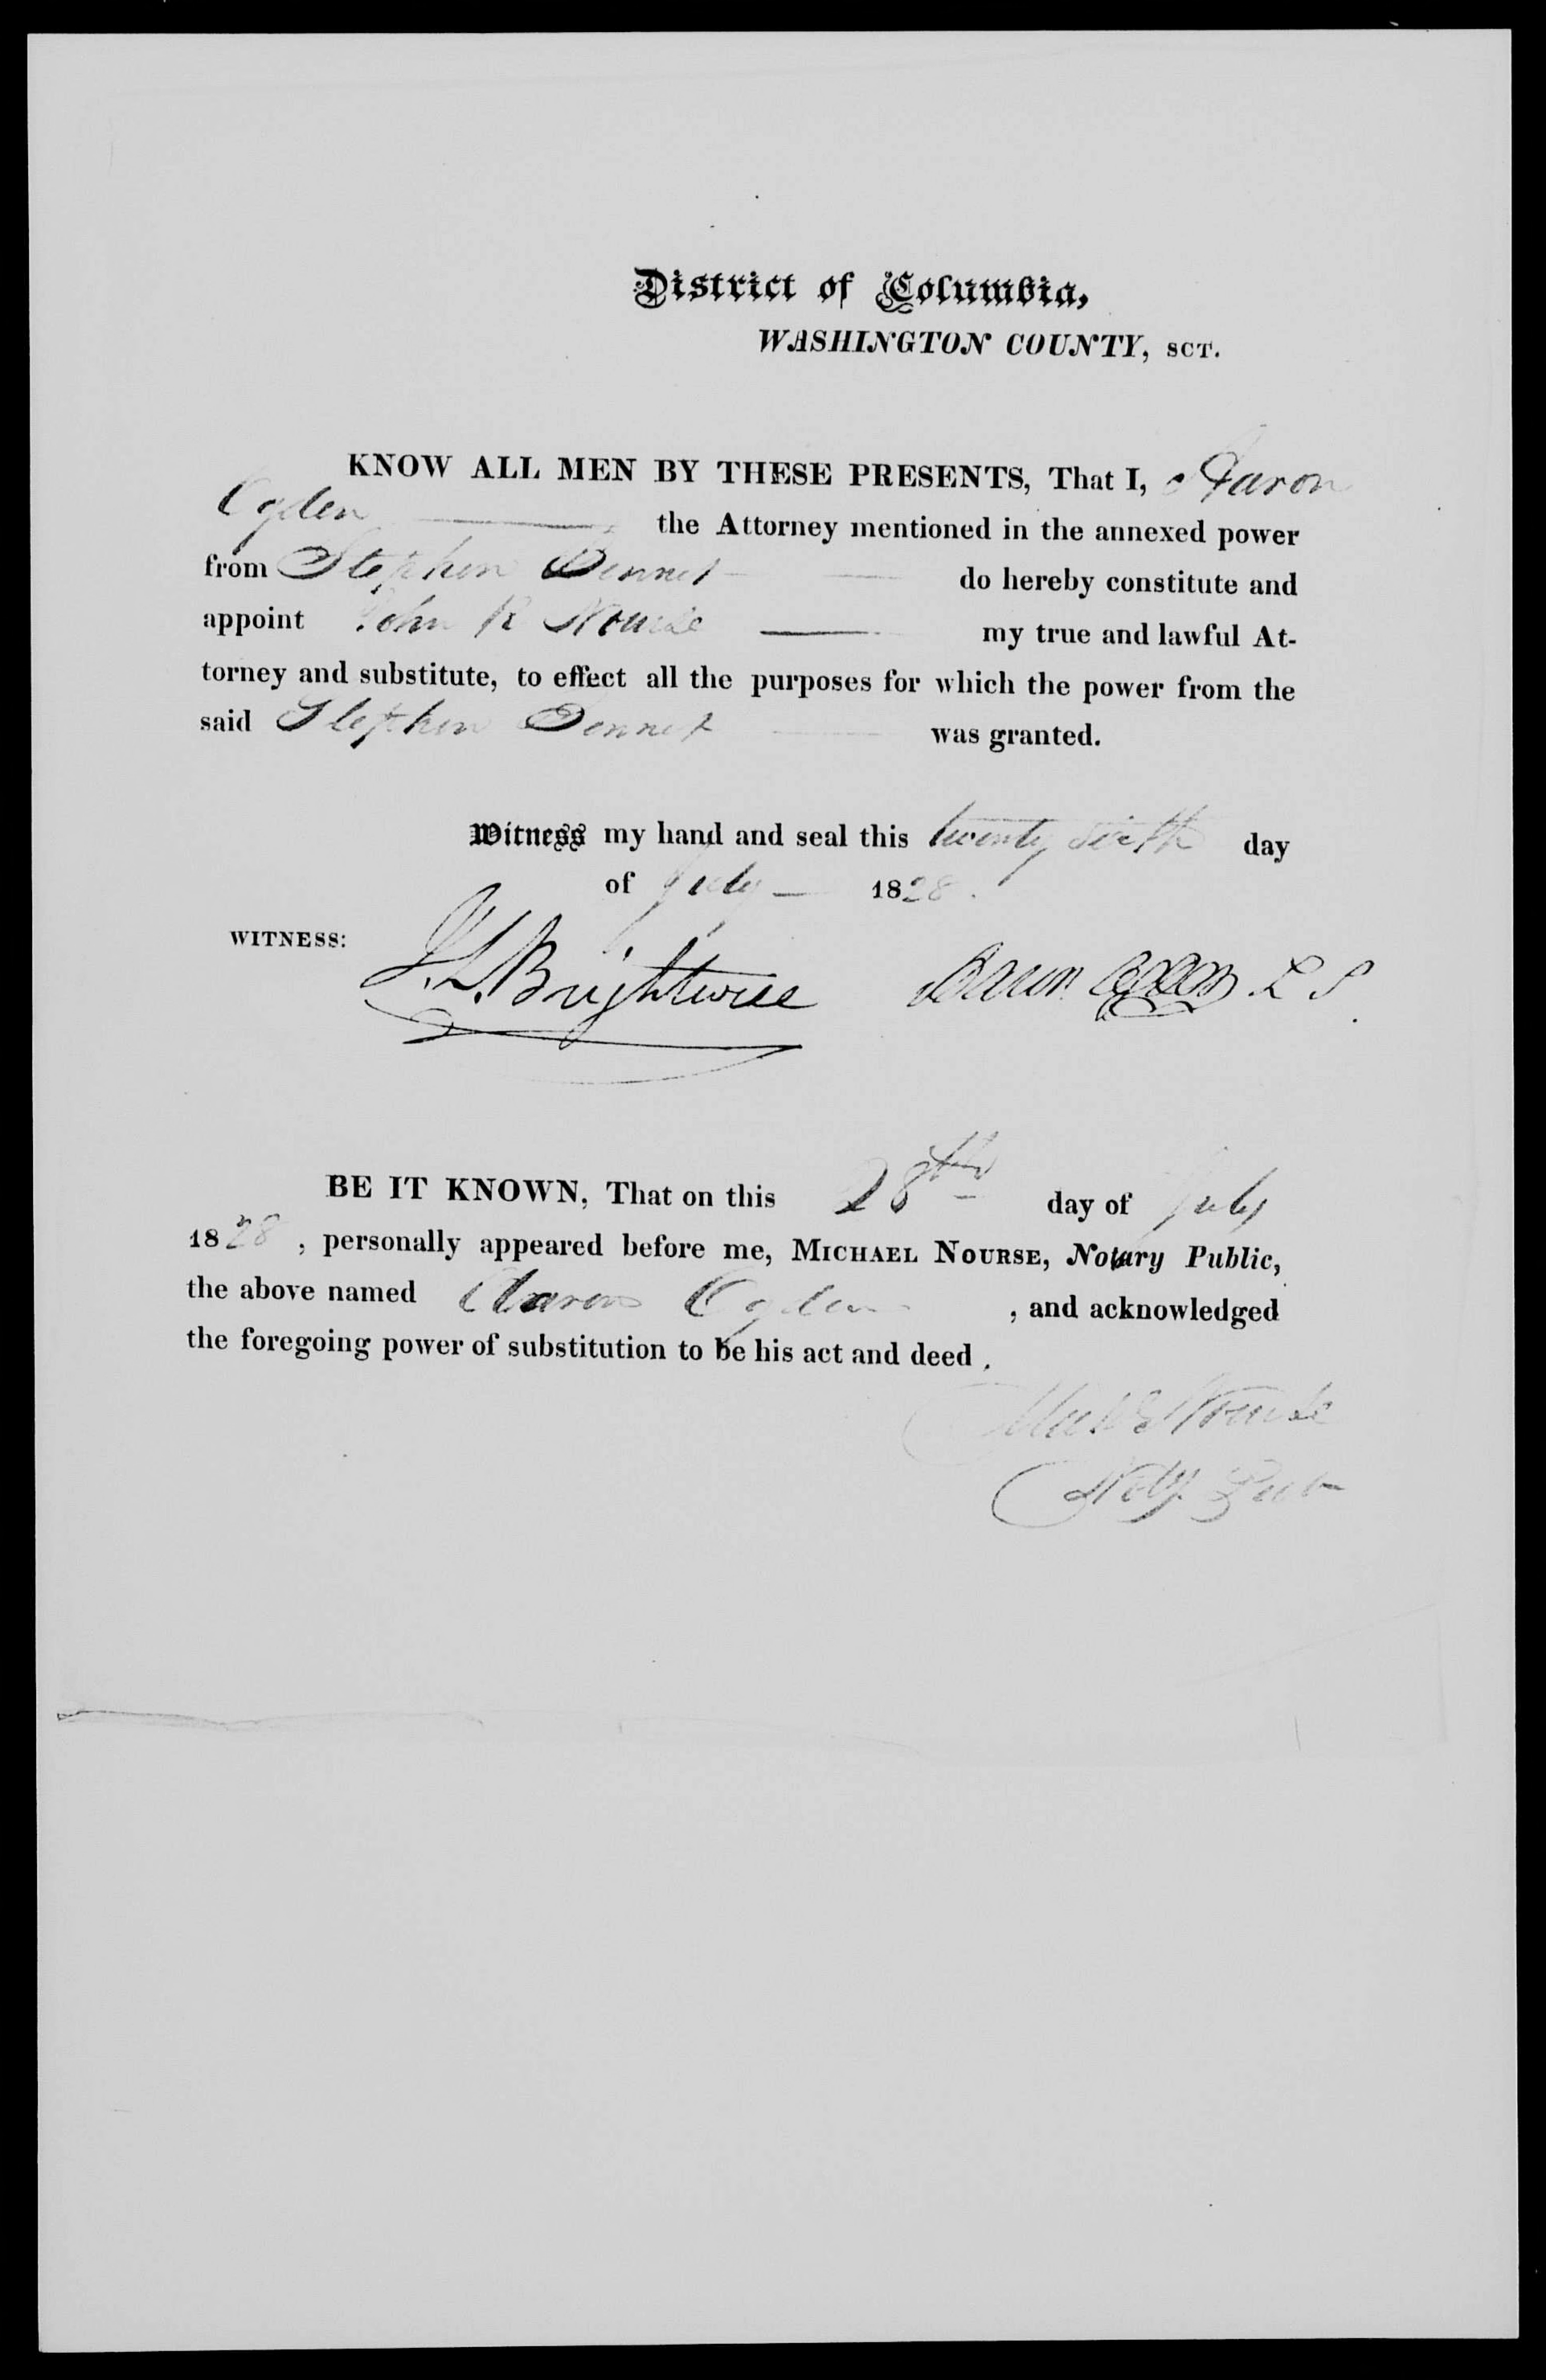WITNESS:
District of Columbia
WASHINGTON COUNTY, SCT.
KNOW ALL MEN BY THESE PRESENTS, That I, Aaron Ogden
the Attorney mentioned in the annexed power
from Stephen Bennet
appoint John Rural
do hereby constitute and my
true and lawful Attorney
and substitute, to effect all the purposes for which the power from the
said Stephen Denney
was granted.
Witness my hand and seal this twenty sixth day
of July
J. G. Brighter
18
Alton L S
BE IT KNOWN, That on this 18th
day of July
1828, personally appeared before me, MICHAEL NOURSE, Notary Public
the above named Caron Code
the foregoing power of substitution to be his act and deed
and acknowledged
Wine
Well Feb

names: J L Brightwell, Aaron Ogden, Aaron Ogden, Stephen Bennet, Aaron Ogden, Mats Weekes, Stephen Bennet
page: 44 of 79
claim: widow's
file: W. 2,906, Stephen Bennet, Conn.